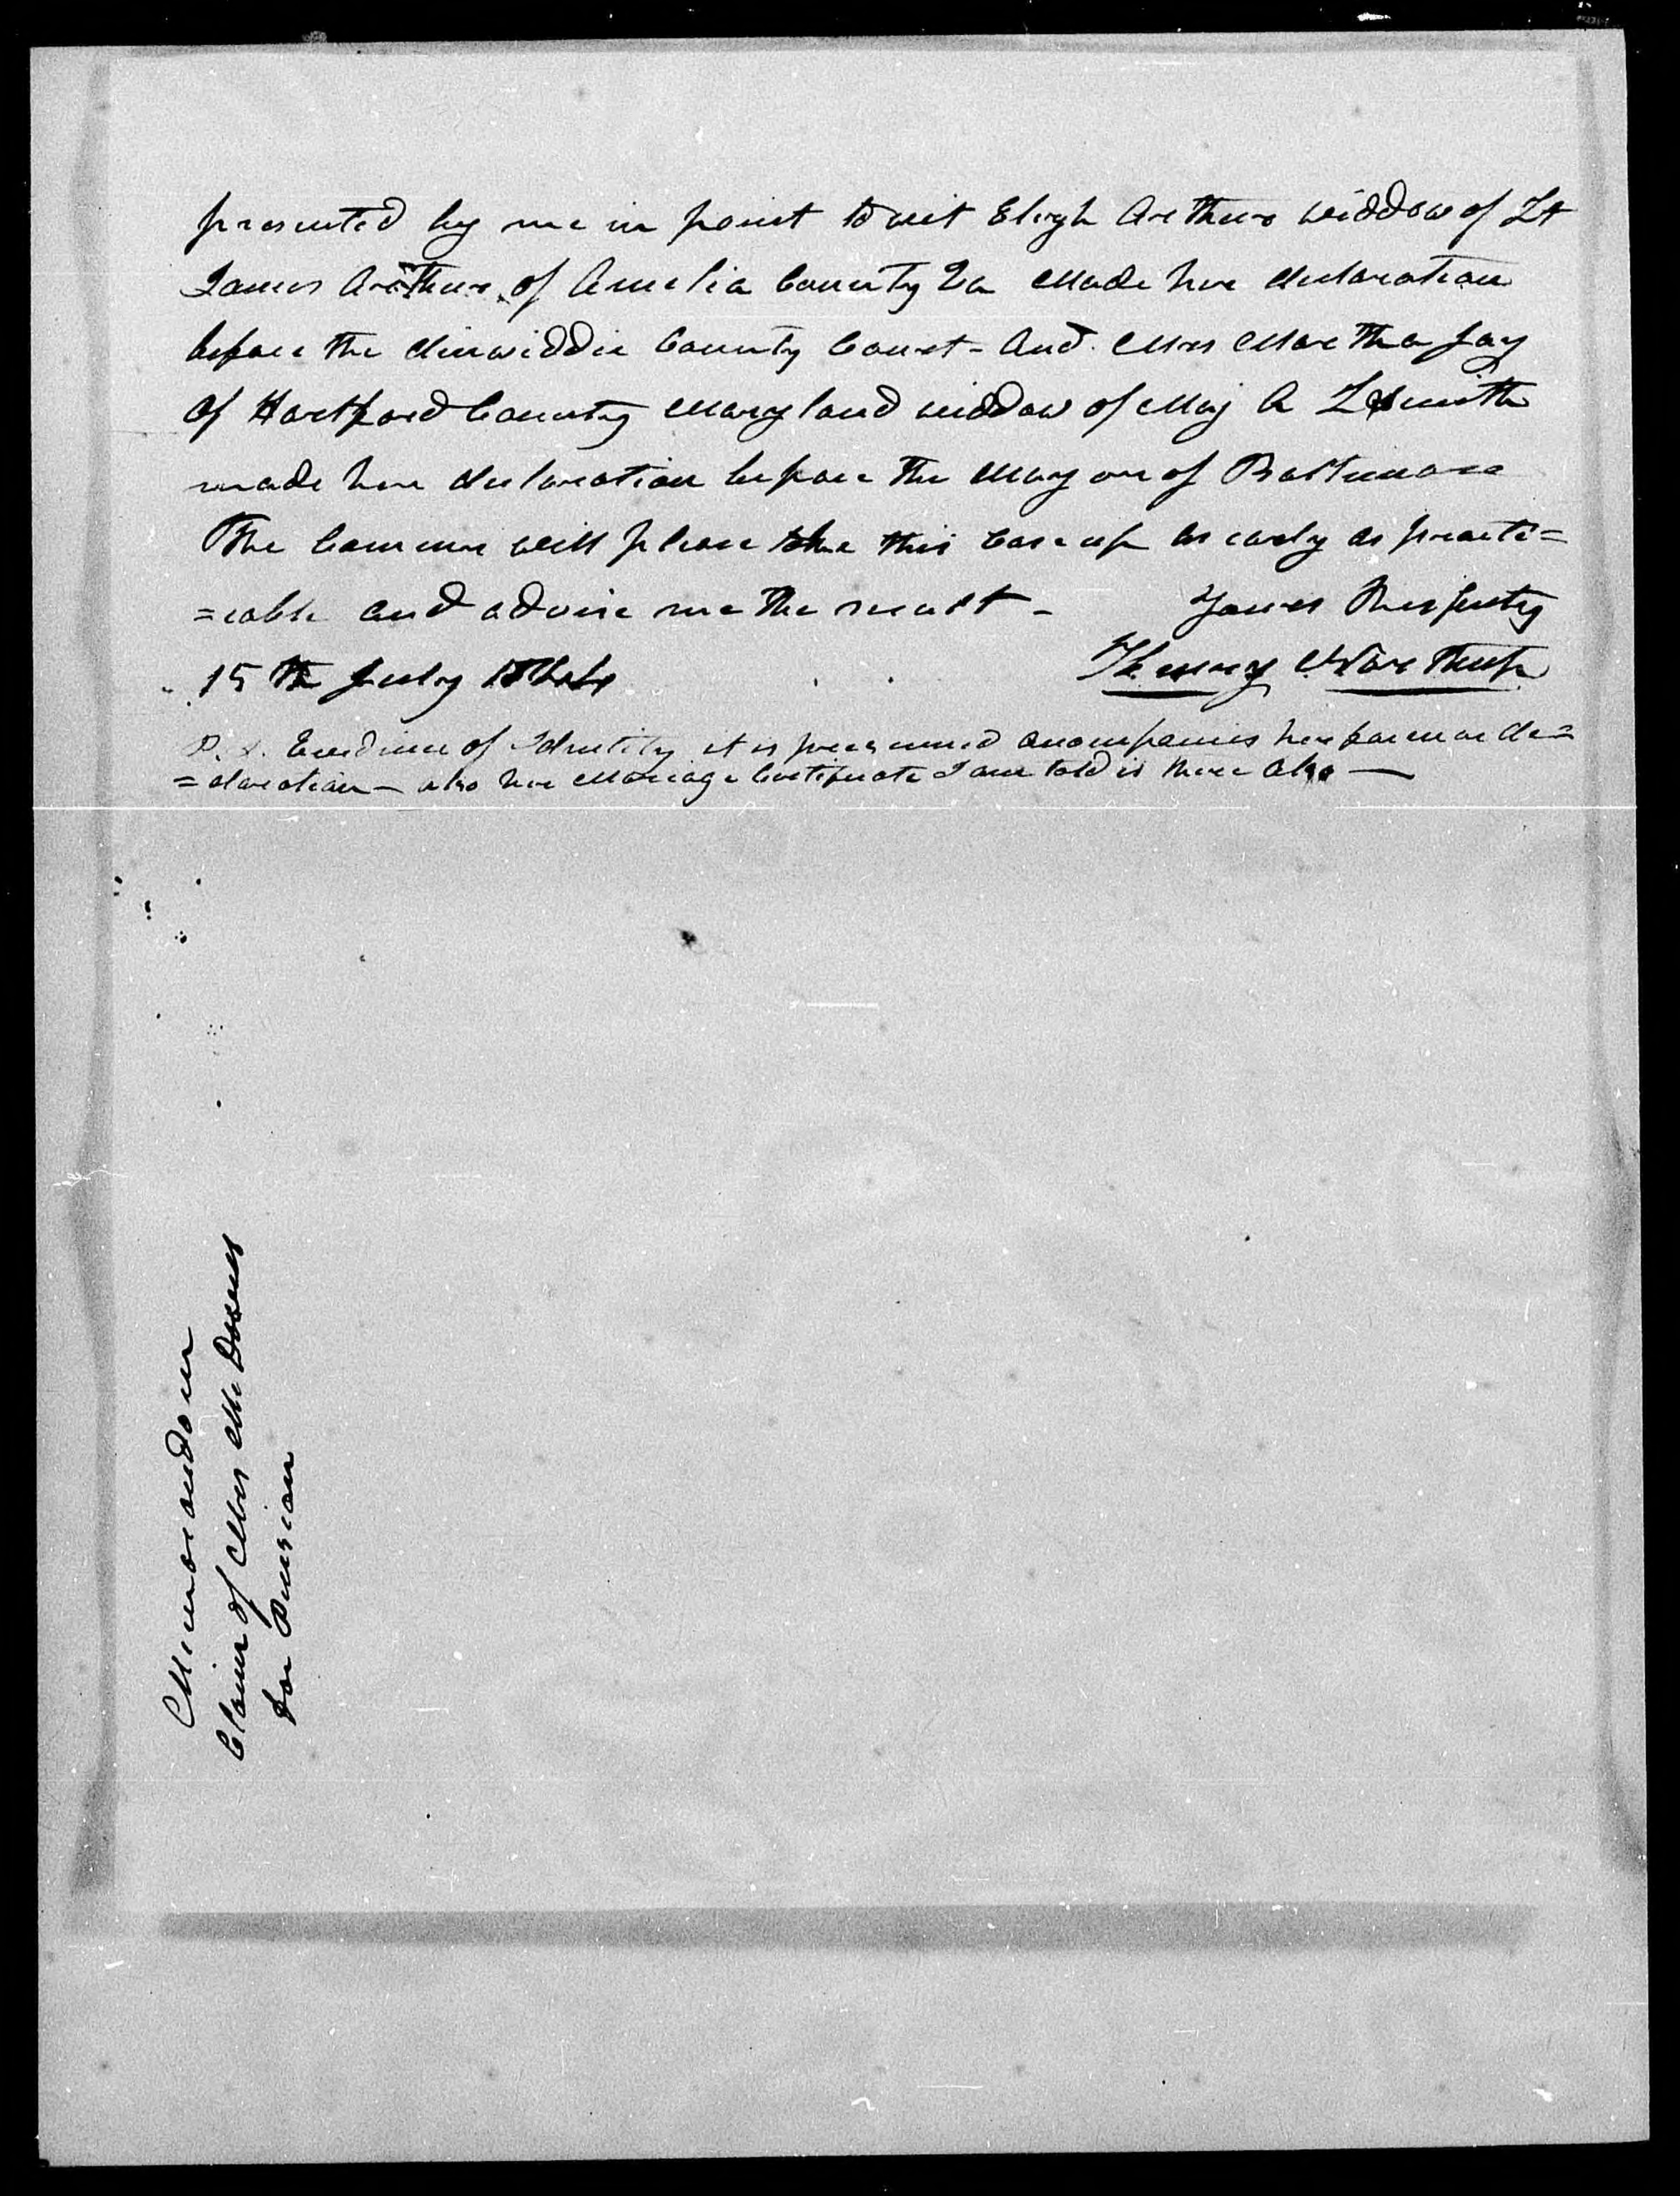presented by me in point to wit Eligh Arthurs widdow of Lt James Arthur of Amelia County Va made her declaration before the dinwiddie County Court - And Mrs Martha Jay of Hartford County Maryland widdow of Maj A Zeswirth made her declaration before the Mayor of Baltimore  
The commissr will please take this case up as early as practicable and advise me the result. 
  Yours Respecty
   Henry Northrup
15th July 
P.S.  Evidence of Identity  it is presumed  accompanies her (?) declaration - also her marriage certificate I am told is there also -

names: [BLANK] Mc Dowell; Thomas Northup; James Arthur; Eligh Arthur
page: 42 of 63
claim: widow's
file: W 2957, for Thomas Mc Dowell, Maryland